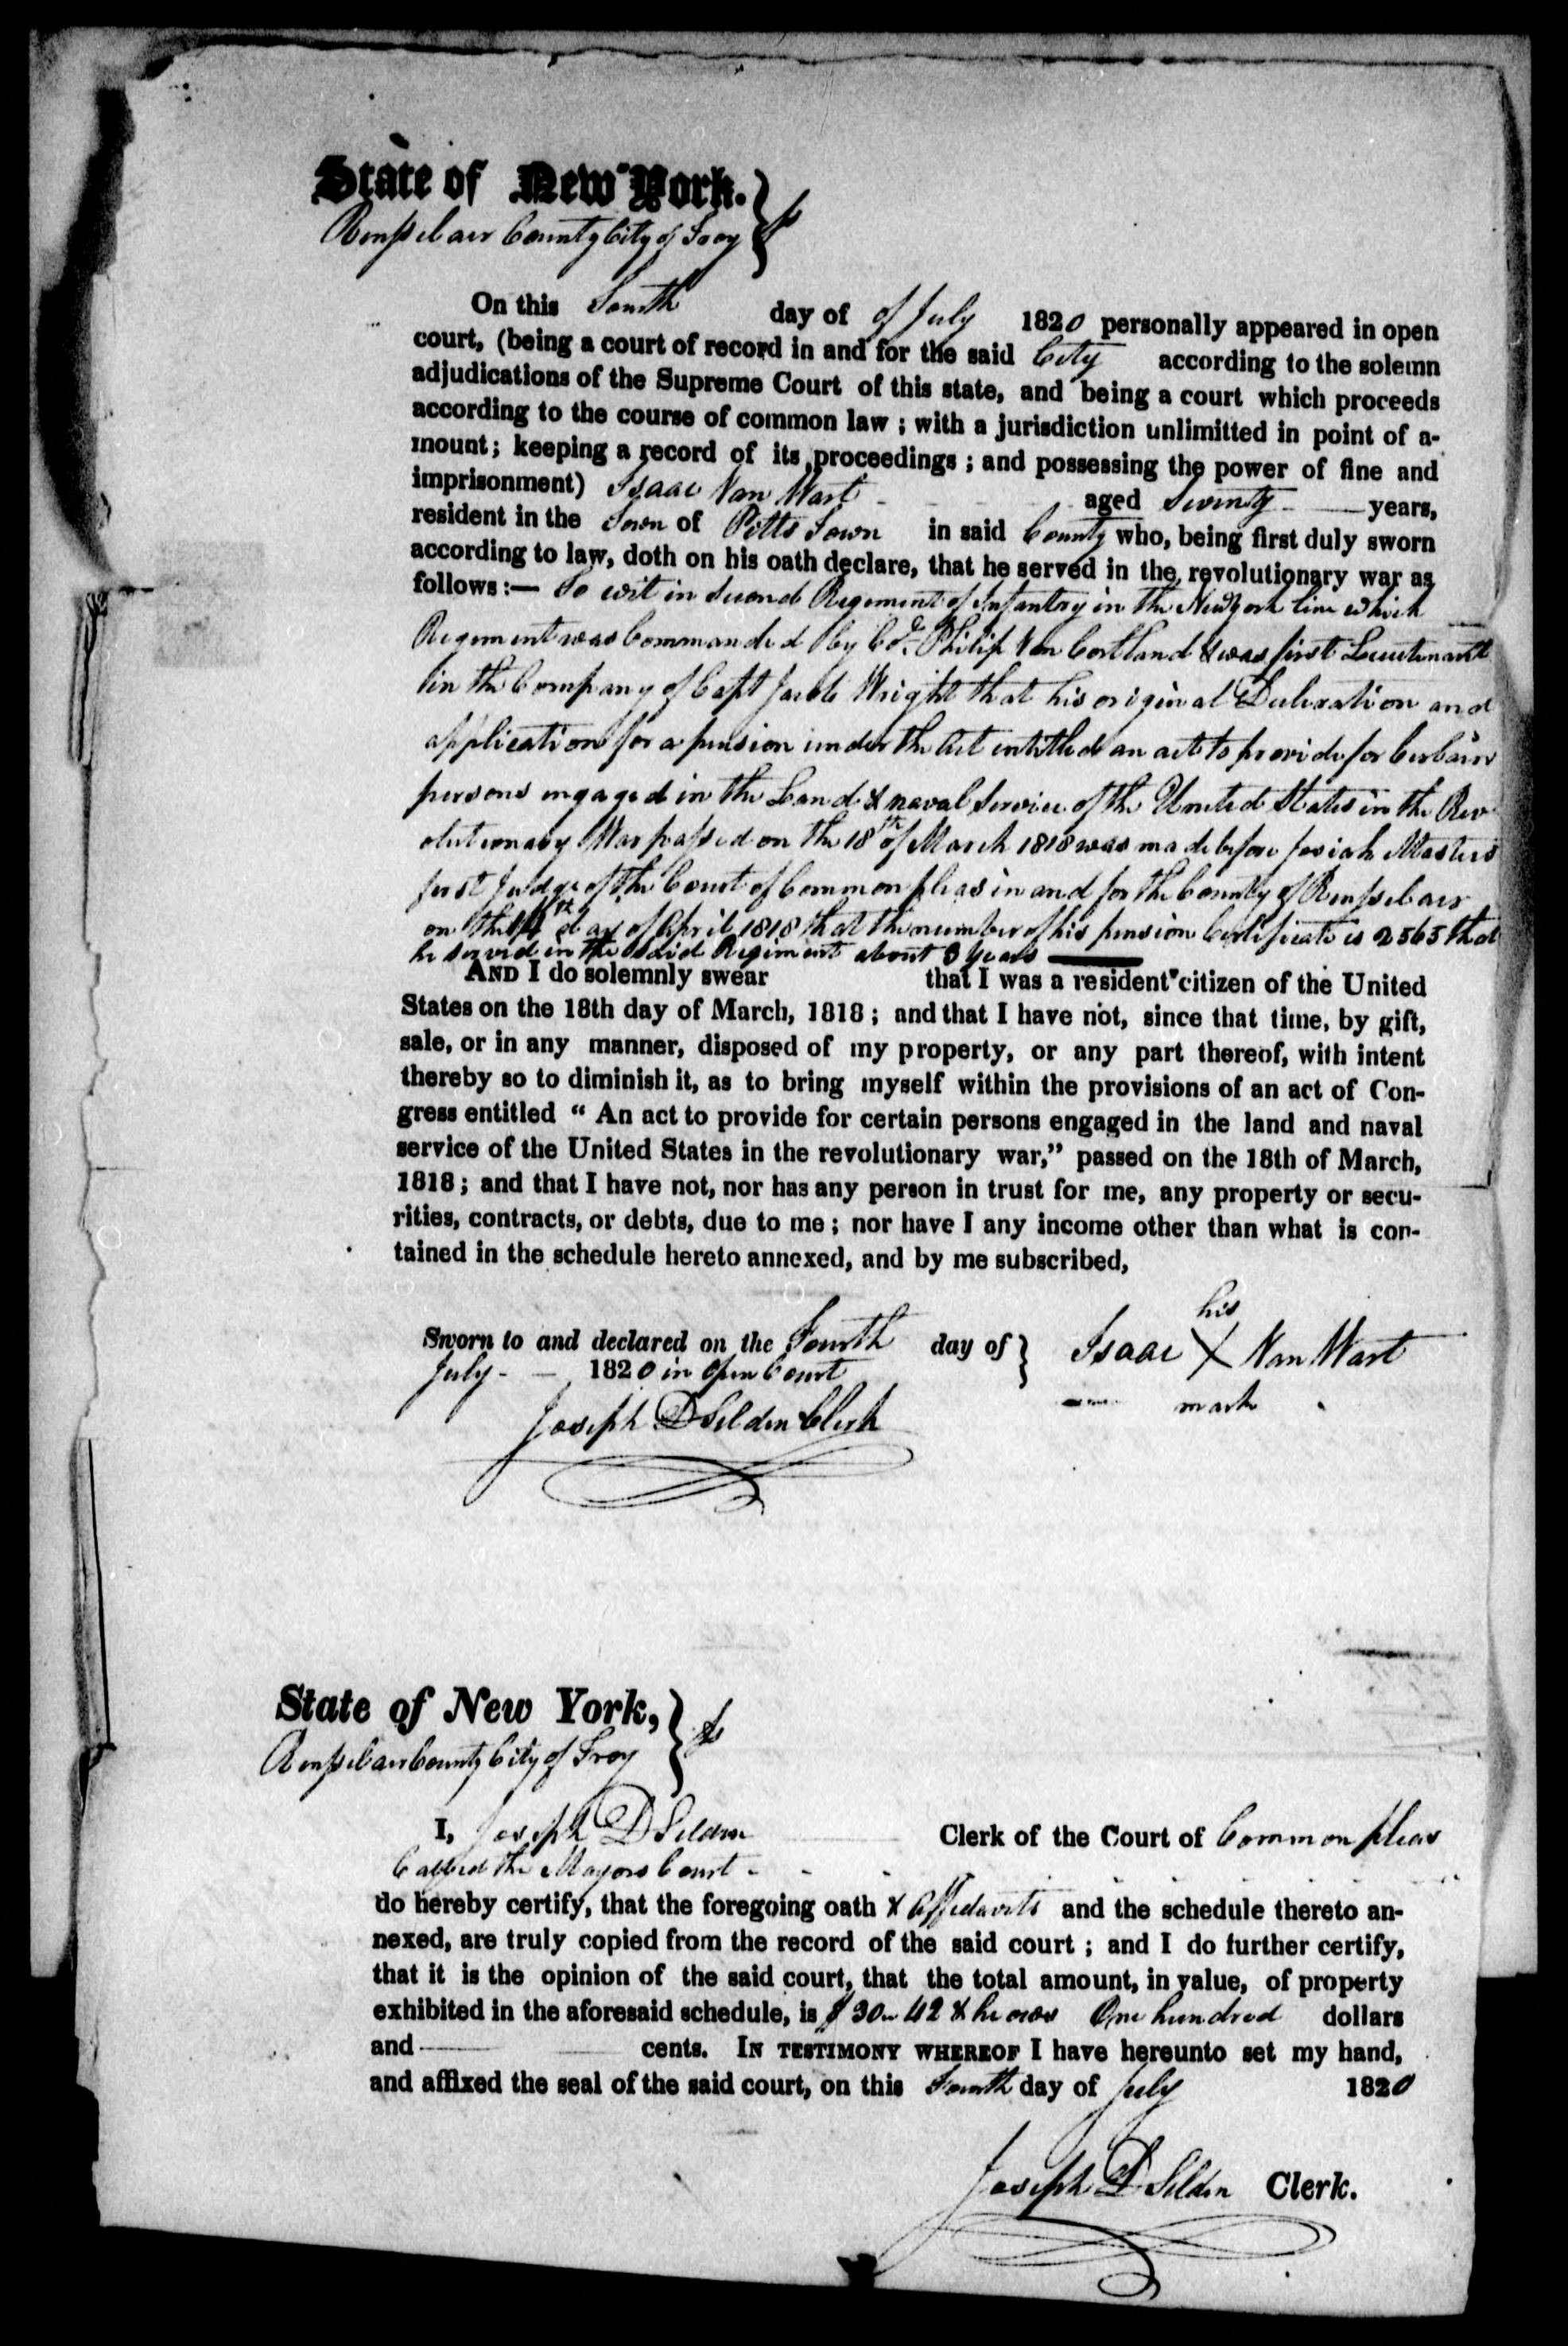State of New York. 
Rensselaer County City of Troy } ss
On this Fourth day of of July 1820 personally appeared in open court, (being a court of record in and for the said City according to the solemn adjudications of the Supreme Court of this state, and being a court which proceeds according to the course of common law; with a jurisdiction unlimited in point of amount; keeping a record of its proceedings; and possessing the power of fine and imprisonment) Isaac Van Wart aged seventy years, resident in the Town of Pittstown in said County who being first duly sworn according to law, doth on his oath declare, that he served in the revolutionary war as follows: To wit in Second Regiment of Infantry in the New York line which Regiment was Commanded by Col Philip Van Cortland & was first Lieutenant in the Company of Capt Jacob Wright that his original Declaration and application for a pension under the Act entitled an act to provide for certain persons engaged in the Land & naval service of the United States in the Revolutionary War passed on the 18th March 1818 was made before Josiah Masters just Judge of the Court of Common pleas in and for the County of Rensselaer on the 14th day of April 1818 that the number of his pension Certificate is 2565 that he served in the said Regiment about 3 years –
AND I do solemnly swear that I was a resident citizen of the United States on the 18th day of March, 1818; and that I have not, since that time, by gift, sale, or in any manner, disposed of my property, or any part thereof, with intent thereby so to diminish it, as to bring myself within the provisions of an act of Congress entitled "An act to provide for certain persons engaged in the land and naval service of the United States in the revolutionary war,” passed on the 18th of March, 1818; and that I have not, nor has any person in trust for me, any property or securities , contracts, or debts, due to me; nor have I any income other than what is contained in the schedule hereto annexed, and by me subscribed, 
[signed] Isaac Van  Wart  X his mark
Sworn to and declared on the fourth day of July 1820 in open Court
[signed] Joseph D Selden Clerk 

State of New York,
Rensselaer County City of Troy } ss 
I, Joseph D Selden Clerk of the Court of Common Pleas called the Mayors Court do hereby certify, that the foregoing oath & affidavits and the schedule thereto annexed, are truly copied from the record of the said court; and I do further certify, that it is the opinion of the said court, that the total amount, in value, of property exhibited in the aforesaid schedule, is $30  42 [cts] he owes One hundred dollars and ___ cents. IN TESTIMONY WHEREOF I have hereunto set my hand, and affixed the seal of the said court, on this fourth day of July 1820
[signed] Joseph D Selden Clerk.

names: Josiah Masters, Jacob Wright, Isaac Van Wart, Philip Van Cortland, Joseph D Selden, Isaac Van Wart, Joseph D Selden, Joseph D Selden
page: 8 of 102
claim: widow's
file: W. 18239, Isaac Van Wart, New York